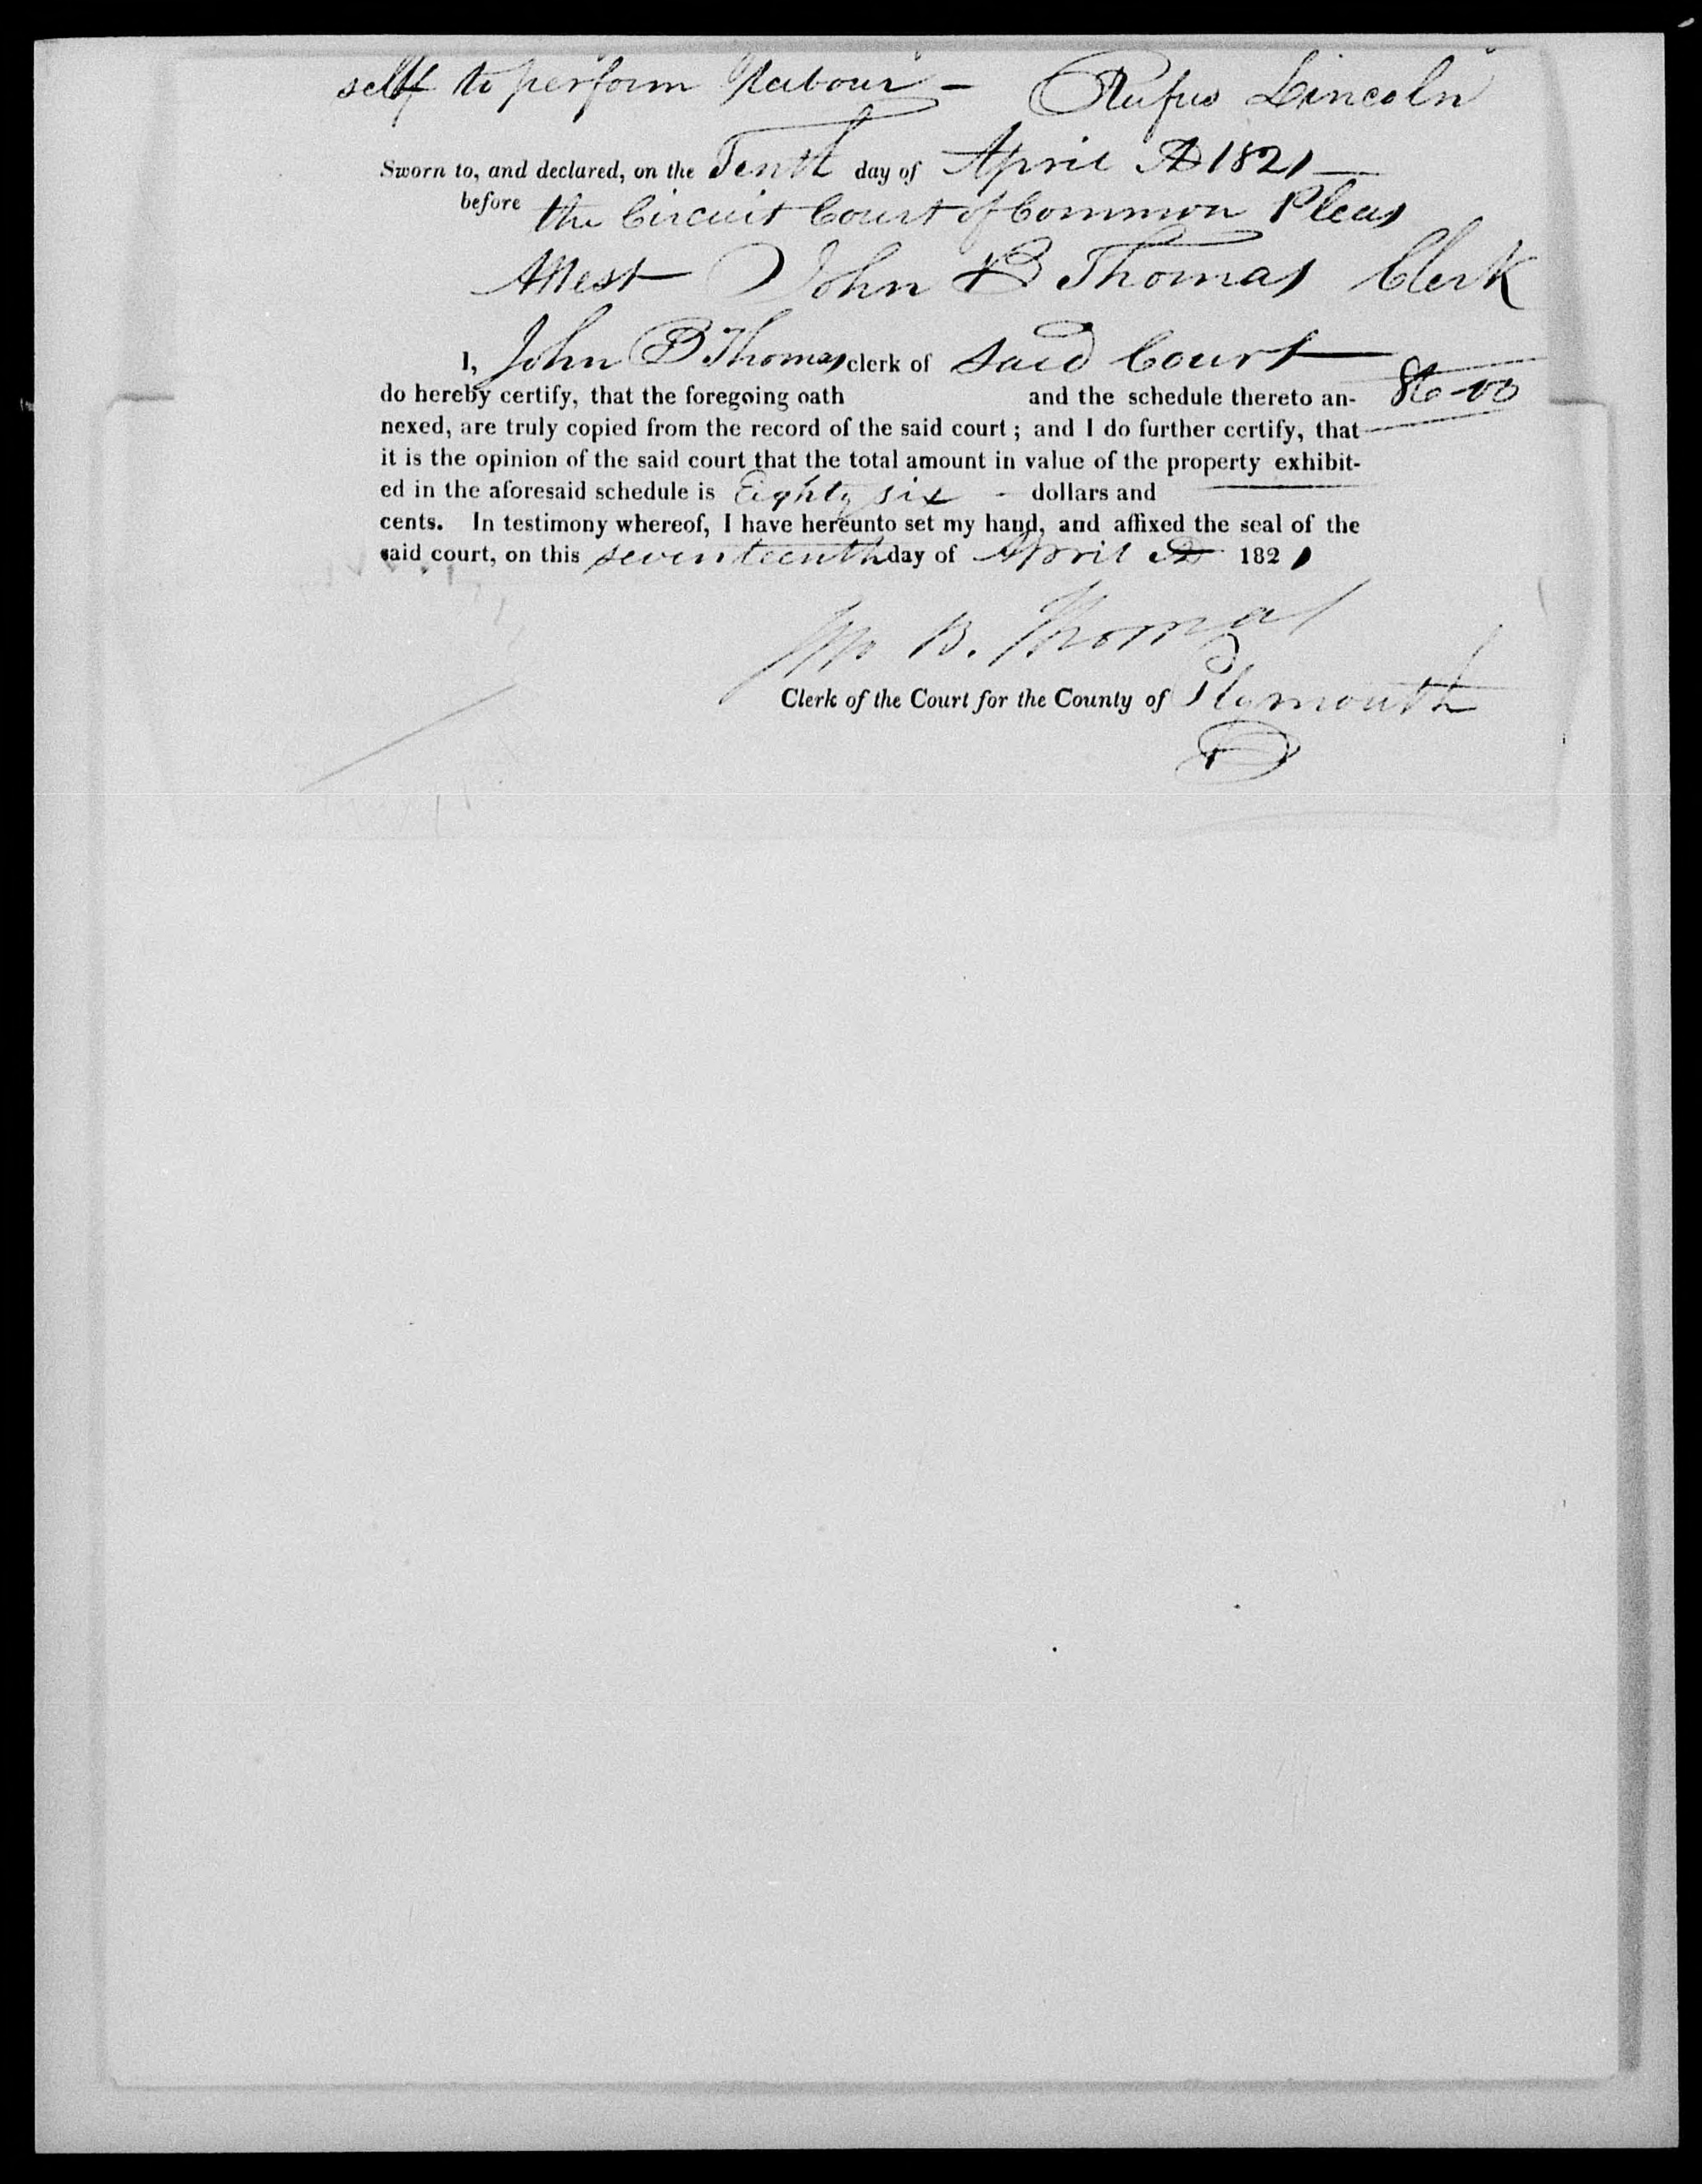Rufus Lincoln
Sworn to, and declared, on the Tenth day of April AD 1821 before the Circuit Court of Common Pleas
Attest John B. Thomas Clerk
I John B. Thomas Clerk of said Court
do hereby certify, that the foregoing oath
and the schedule thereto annexed, are truly copied from the record of the said court; and I do further certify, that it is the opinion of the said court that the total amount in value of the property exhibited in the aforesaid schedule is eighty six dollars and --cents. In testimony whereof, I have hereunto set my hand, and affixed the seal of the said court, on this seventeenth day of April AD 1821
Jno B. Thomas
Clerk of the Court for the County of Plymouth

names: John B Thomas; Rufus Lincoln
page: 79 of 82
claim: widow's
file: W. 13,634, for Rufus Lincoln, Massachusetts